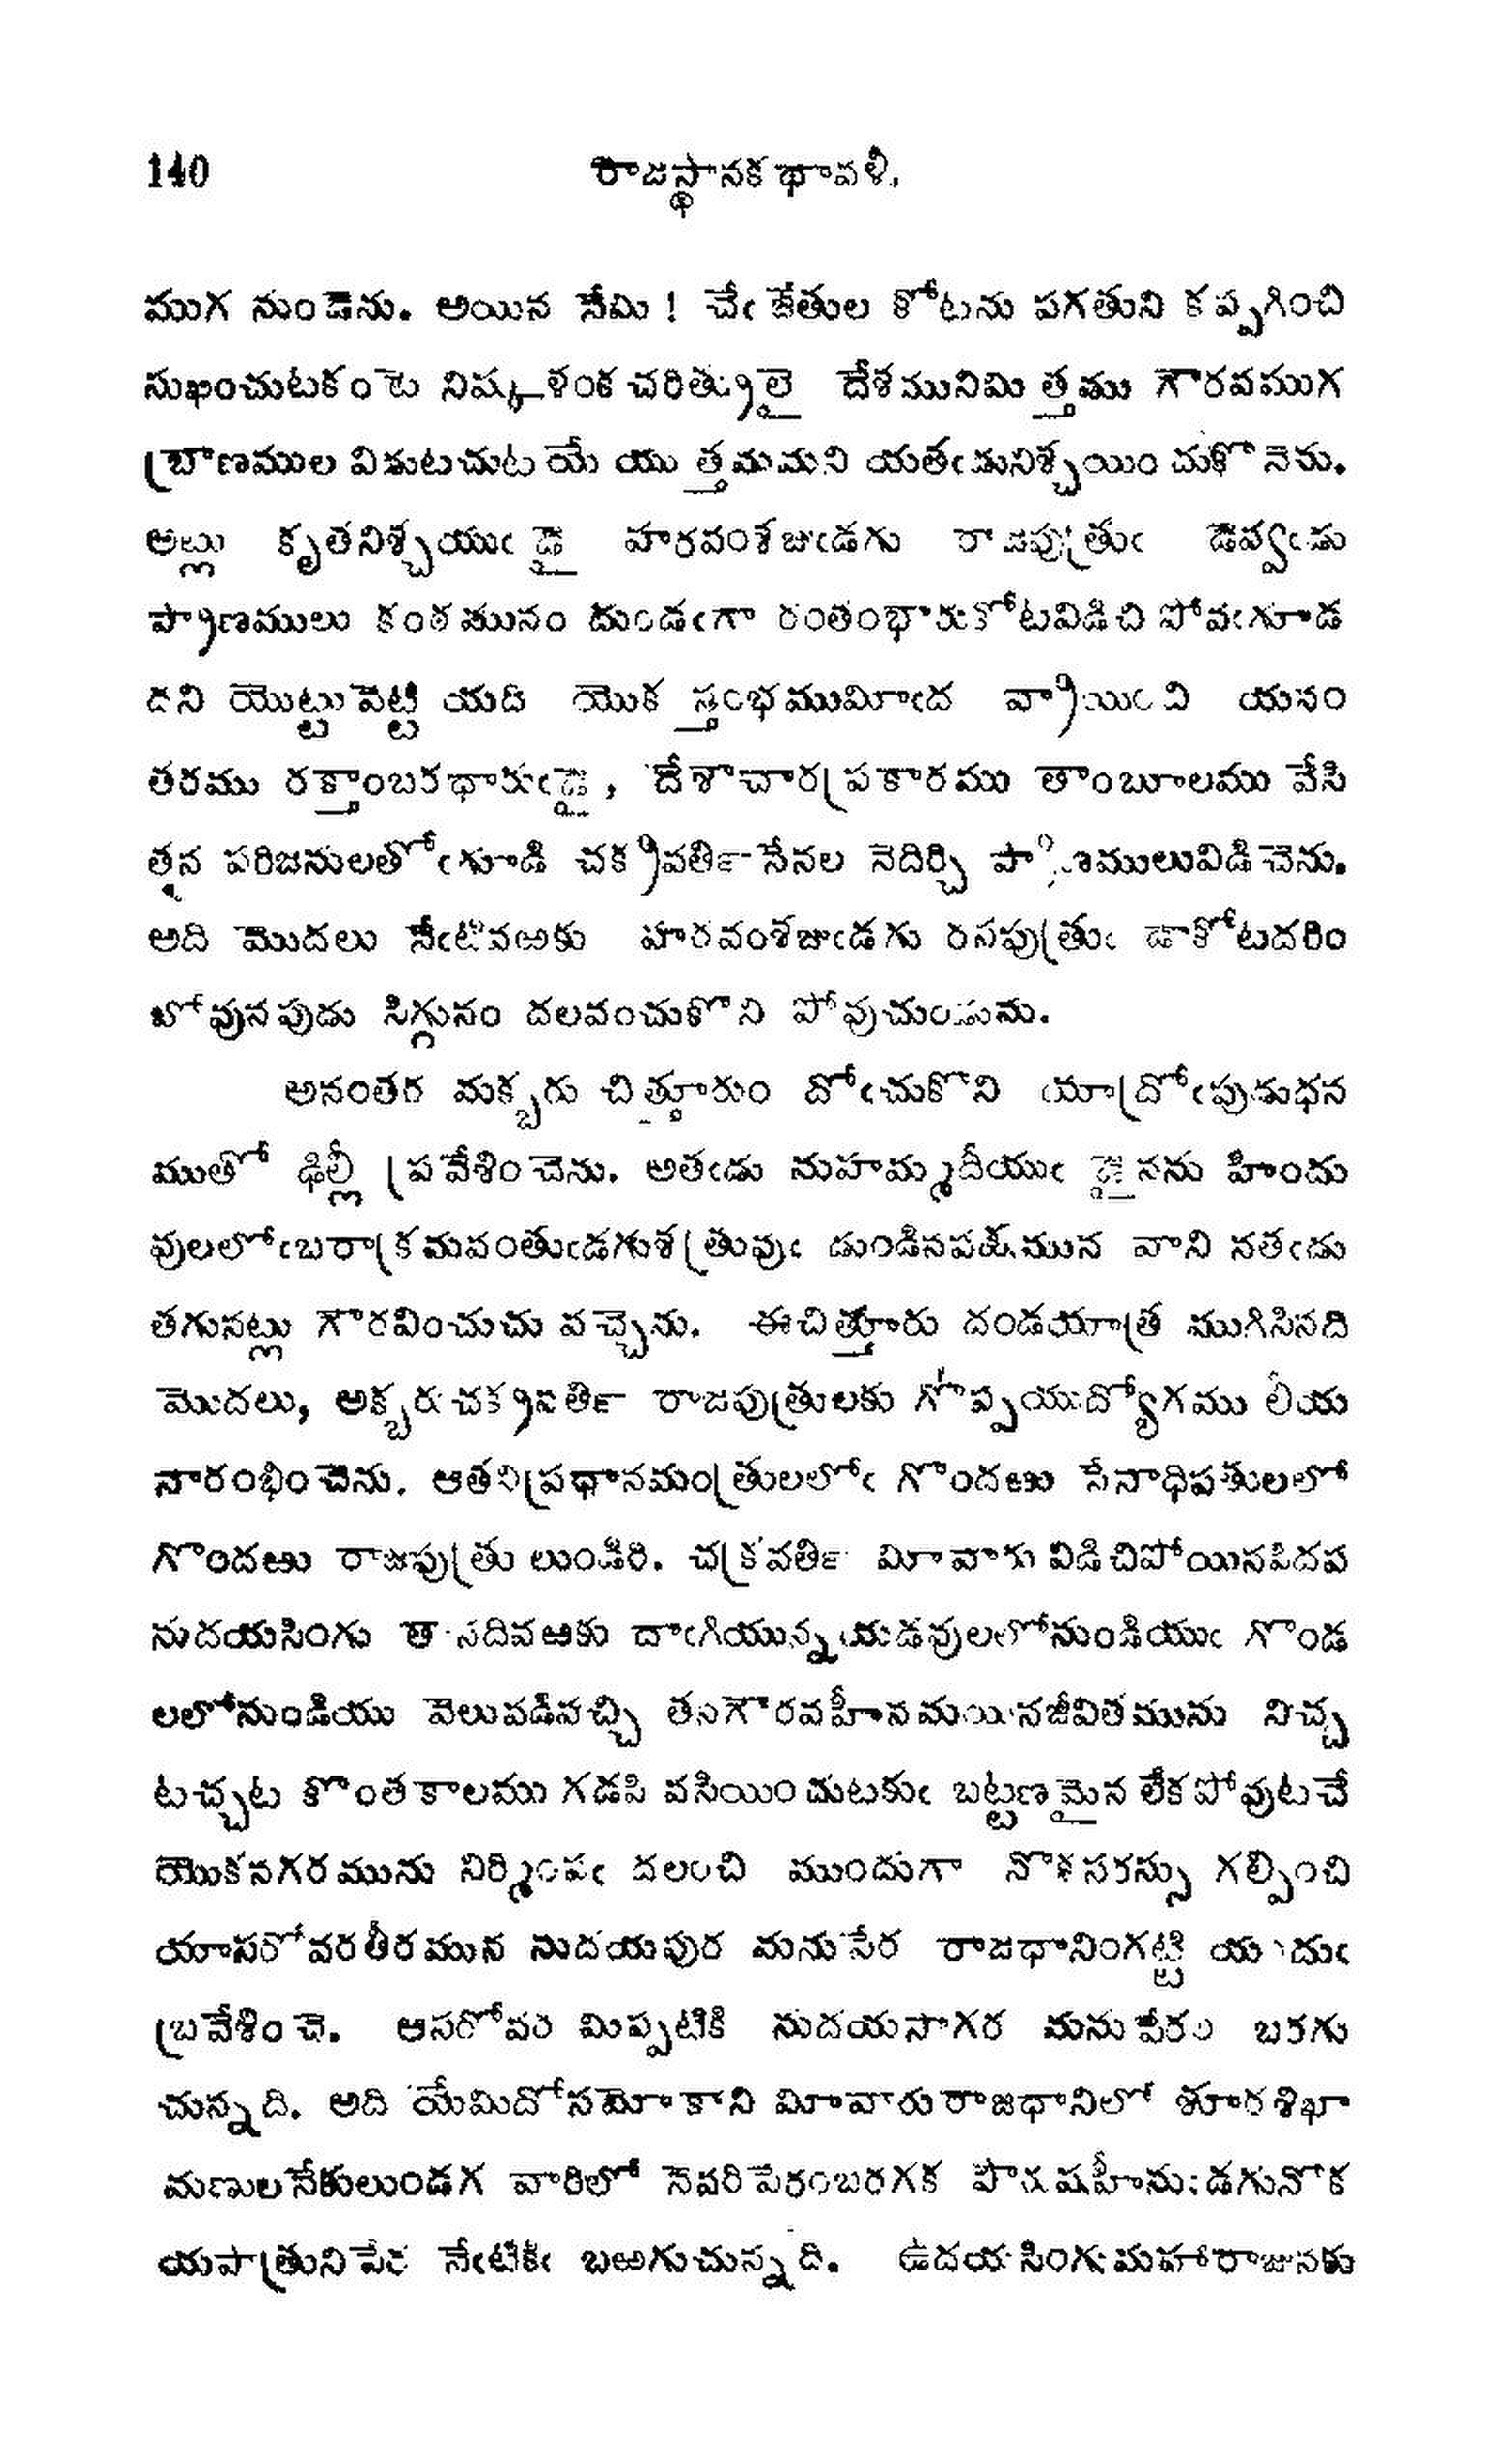ముగ నుండెను. అయిన నేమి ! చేఁ జేతుల కోటను పగతుని కప్పగించి సుఖంచుటకంటే నిష్కళంక చరితులై దేశమునిమిత్తము గౌరవముగ బ్రాణముల విడుటచుట యే యుత్తమమని యతఁడు నిశ్చయించుకొనెను. అట్లు కృతనిశ్చయుఁ డై హరవంశజుఁడగు రాజపుత్రుఁ డెవ్వఁడు ప్రాణములు కంఠమునం దుండఁగా రంతంభారు కోటవిడిచి పోవఁగూడదని యొట్టు పెట్టి యది యొక స్తంభముమీఁద వ్రాయించి యనంతరము రక్తాంబర ధారుఁడై 'దేశాచార ప్రకారము తాంబూలము వేసి తన పరిజనులతోఁ గూడి చక్రవతి౯ నేనల నెదిర్చి ప్రాణములువిడిచెను. అది మొదలు నేఁటివఱకు హగవంశజుఁడగు రసపుత్రుఁ డాకోటదరిం బోవునపుడు సిగ్గునం దలవంచుకొని పోవుచుండును.

అనంతగ మక్బరు చిత్తూరుం దోఁచుకొని యాద్రోఁపుడుధన ఢిల్లీ ప్రవేశించెను. అతఁడు మహమ్మదీయుఁ - డైనను హిందువులలోఁ బరాక్రమవంతుఁడగుశత్రువుఁ డుండినపక్షమున వాని నతఁడు తగునట్లు గౌరవించుచు వచ్చెను. ఈచిత్తూరు దండయాత్ర ముగిసినది
మొదలు, అక్బరు చక్రవతి౯ రాజపుత్రులకు గొప్ప యుద్యోగము లీయ నారంభించెను. అతని ప్రధానమంత్రులలోఁ గొందఱు సేనాధిపతులలో
గొందఱు రాజపుత్రు లుండిరి. చక్రవతి౯ మీవారు విడిచిపోయినపిదప నుదయసింగు తానదివఱకు దాఁగియున్న యడవులలోనుండియుఁ గొండ
లలోనుండియు వెలువడి వచ్చి తనగౌరవ హీనమయినజీవితమును నిచ్చటచ్చట కొంత కాలము గడపి వసియించుటకుఁ బట్టణమైన లేక పోవుటచే యొక నగరమును నిర్మింపఁ దలంచి ముందుగా నొక సరస్సు గల్పించి యాసరోవర తీరమున నుదయపుర మను పేర రాజధానింగట్టి యందుఁ బ్రవేశించె. ఆసరోవర మిప్పటికి నుదయసాగర మను పేరల బరగు చున్నది. అది 'యేమిదోసమో కాని మీవారు రాజధానిలో శూర శిఖామణులనేకులుండగ వారిలో నెవరి పేరంబరగక పౌరుషహీనుఁడగునోక యపాత్రుని పేర నేఁటికిఁ బఱగుచున్నది. ఉదయ సింగు మహారాజునకు